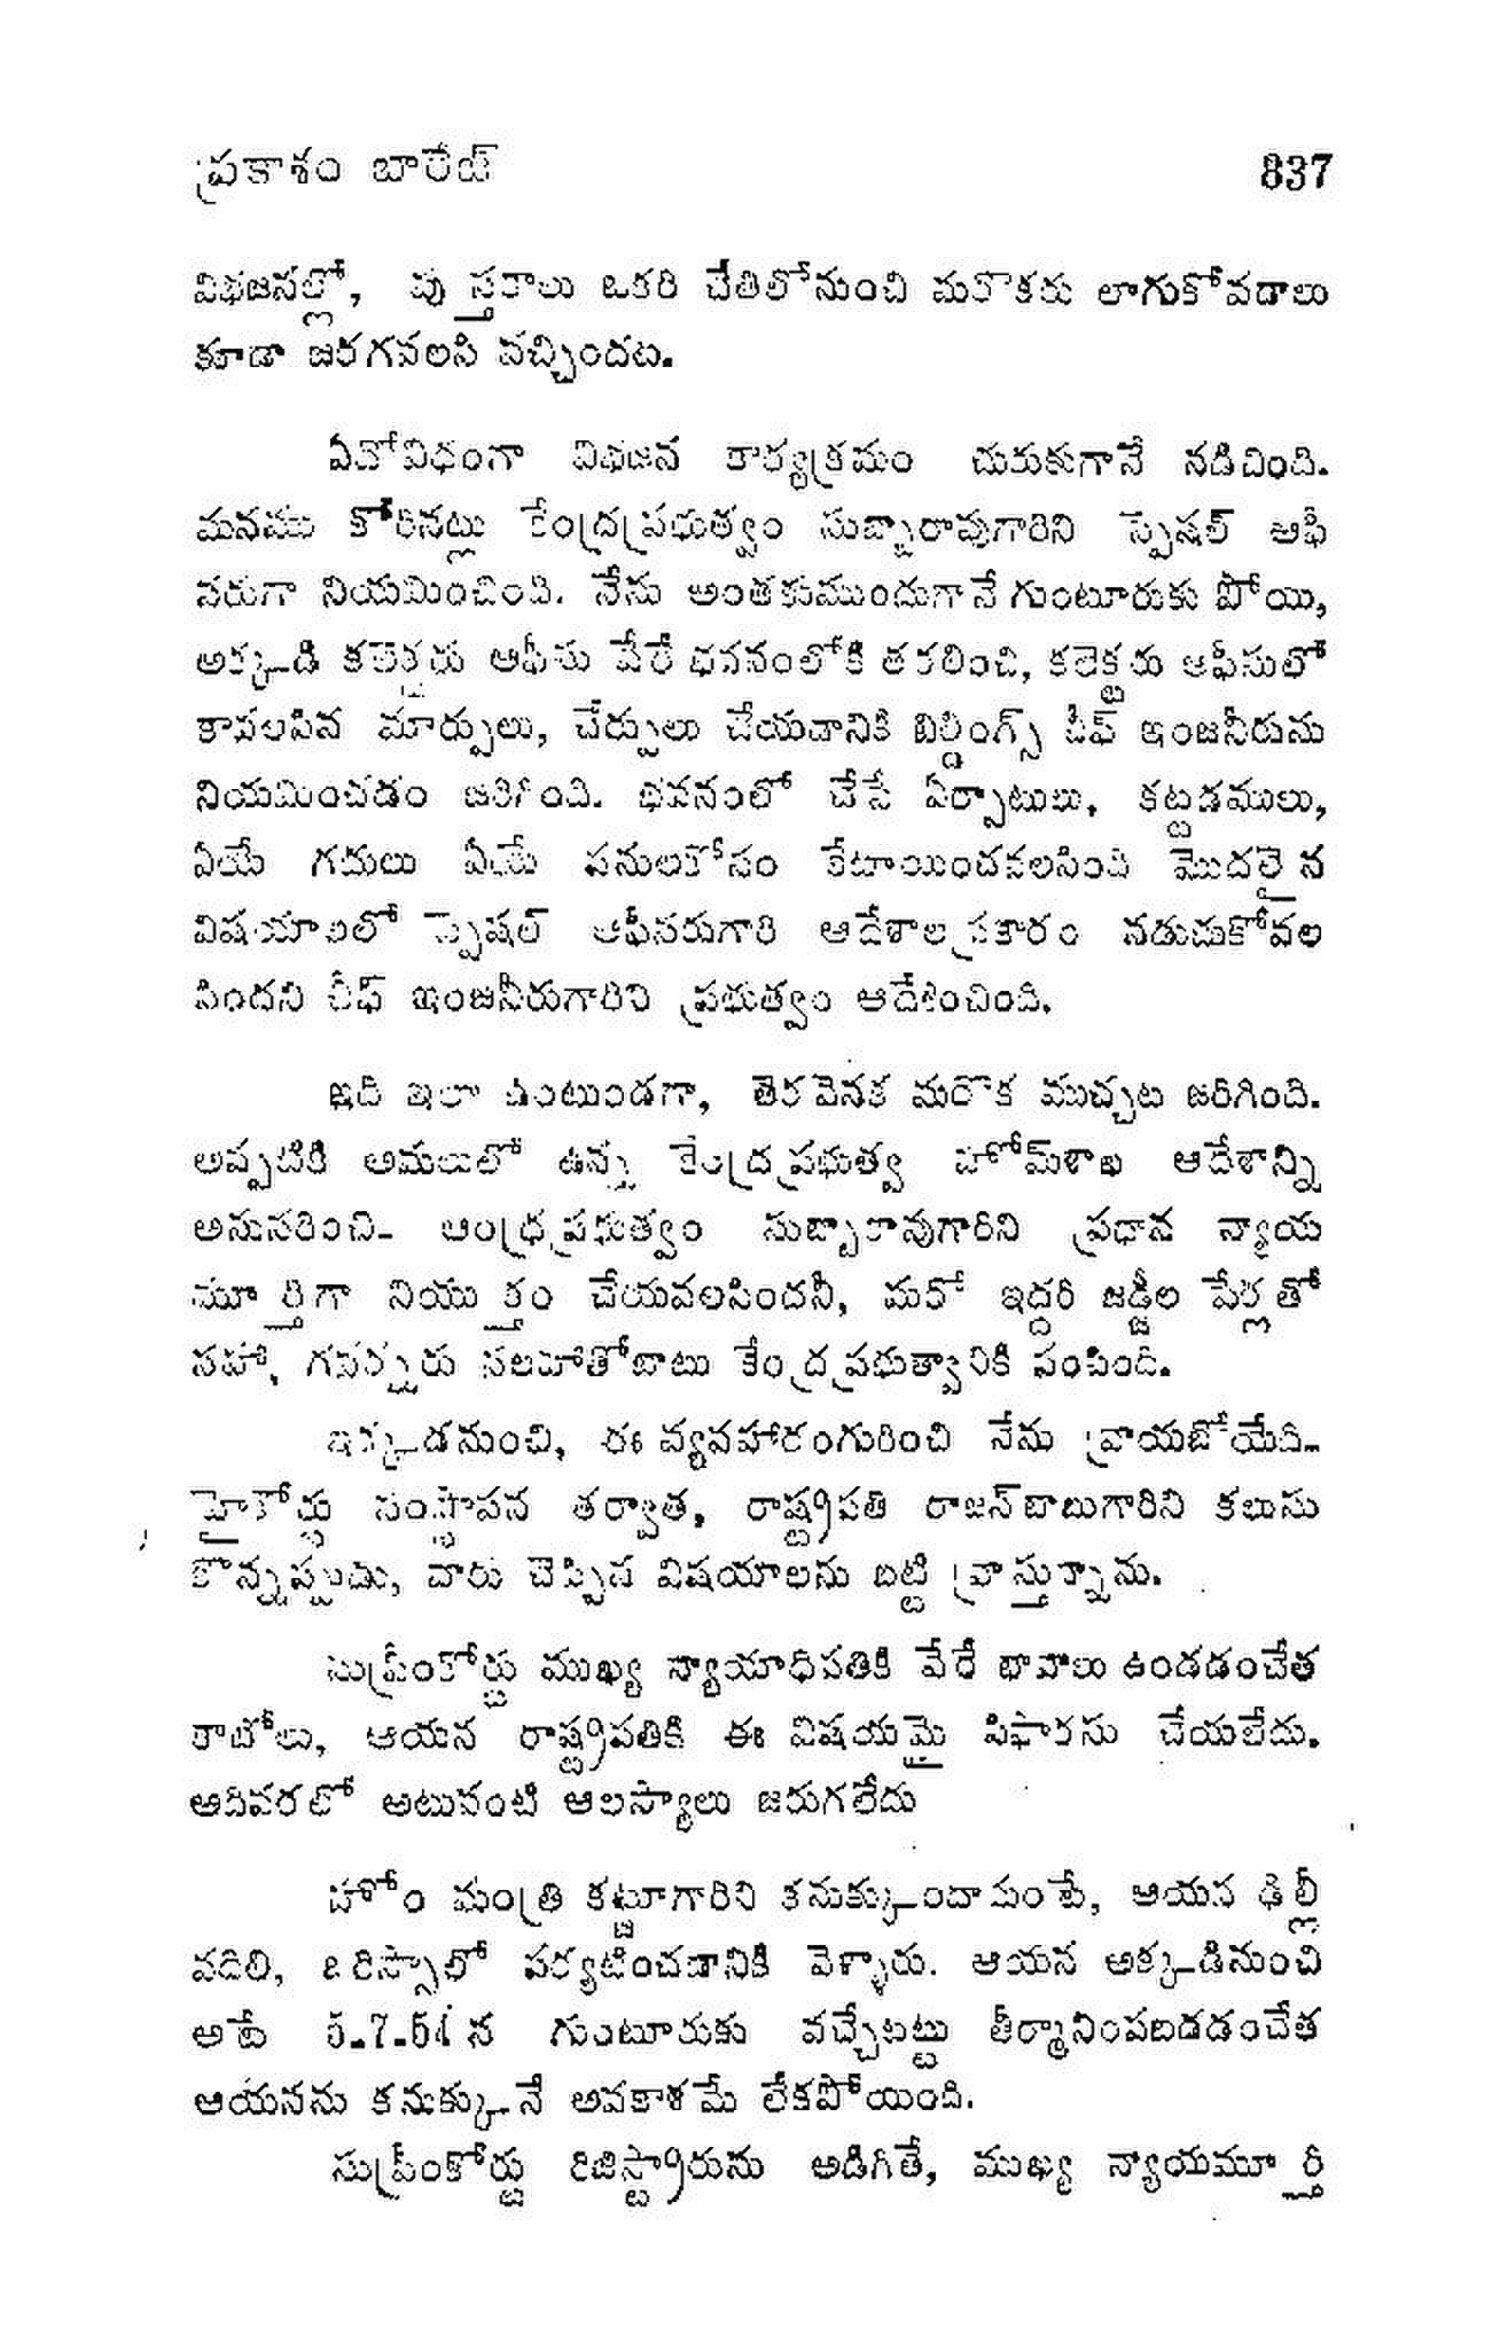విభజనల్లో, పుస్తకాలు ఒకరి చేతిలోనుంచి మరొకరు లాగుకోవడాలు కూడా జరగవలసి వచ్చిందట.

ఏదోవిధంగా విభజన కార్యక్రమం చురుకుగానే నడిచింది. మనము కోరినట్లు కేంద్రప్రభుత్వం సుబ్బారావుగారిని స్పెషల్ ఆఫీసరుగా నియమించింది. నేను అంతకుముందుగానే గుంటూరుకు పోయి, అక్కడి కలెక్టరు ఆఫీసు వేరే భవనంలోకి తరలించి, కలెక్టరు ఆఫీసులో కావలసిన మార్పులు, చేర్పులు చేయడానికి బిల్డింగ్స్ చీఫ్ ఇంజనీరును నియమించడం జరిగింది. భవనంలో చేసే ఏర్పాటులు, కట్టడములు, ఏయే గదులు ఏయే పనులకోసం కేటాయించవలసింది మొదలైన విషయాలలో స్పెషల్ ఆఫీసరుగారి ఆదేశాల ప్రకారం నడుచుకోవలసిందని చీఫ్ ఇంజనీరుగారిని ప్రభుత్వం ఆదేశించింది.

ఇది ఇలా ఉంటుండగా, తెరవెనక మరొక ముచ్చట జరిగింది. అప్పటికి అమలులో ఉన్న కేంద్రప్రభుత్వ హోమ్‌శాఖ ఆదేశాన్ని అనుసరించి - ఆంధ్రప్రభుత్వం సుబ్బారావుగారిని ప్రధాన న్యాయమూర్తిగా నియుక్తం చేయవలసిందనీ, మరో ఇద్దరి జడ్జీల పేర్లతో సహా, గవర్నరు సలహాతోబాటు కేంద్రప్రభుత్వానికి పంపింది.

ఇక్కడనుంచి, ఈ వ్యవహారంగురించి నేను వ్రాయబోయేది - హైకోర్టు సంస్థాపన తర్వాత, రాష్ట్రపతి రాజన్‌బాబుగారిని కలుసుకొన్నప్పుడు, వారు చెప్పిన విషయాలను బట్టి వ్రాస్తున్నాను.

సుప్రీంకోర్టు ముఖ్య న్యాయాధిపతికి వేరే భావాలు ఉండడంచేత కాబోలు, ఆయన రాష్ట్రపతికి ఈ విషయమై సిఫారసు చేయలేదు. అదివరలో అటువంటి ఆలస్యాలు జరుగలేదు.

హోం మంత్రి కట్జూగారిని కనుక్కుందామంటే, ఆయన ఢిల్లీ వదిలి, ఒరిస్సాలో పర్యటించడానికి వెళ్ళారు. ఆయన అక్కడినుంచి అటే 5-7-54 న గుంటూరుకు వచ్చేటట్టు తీర్మానింపబడడంచేత ఆయనను కనుక్కునే అవకాశమే లేకపోయింది.

సుప్రీంకోర్టు రిజిస్ట్రారును అడిగితే, ముఖ్య న్యాయమూర్తి